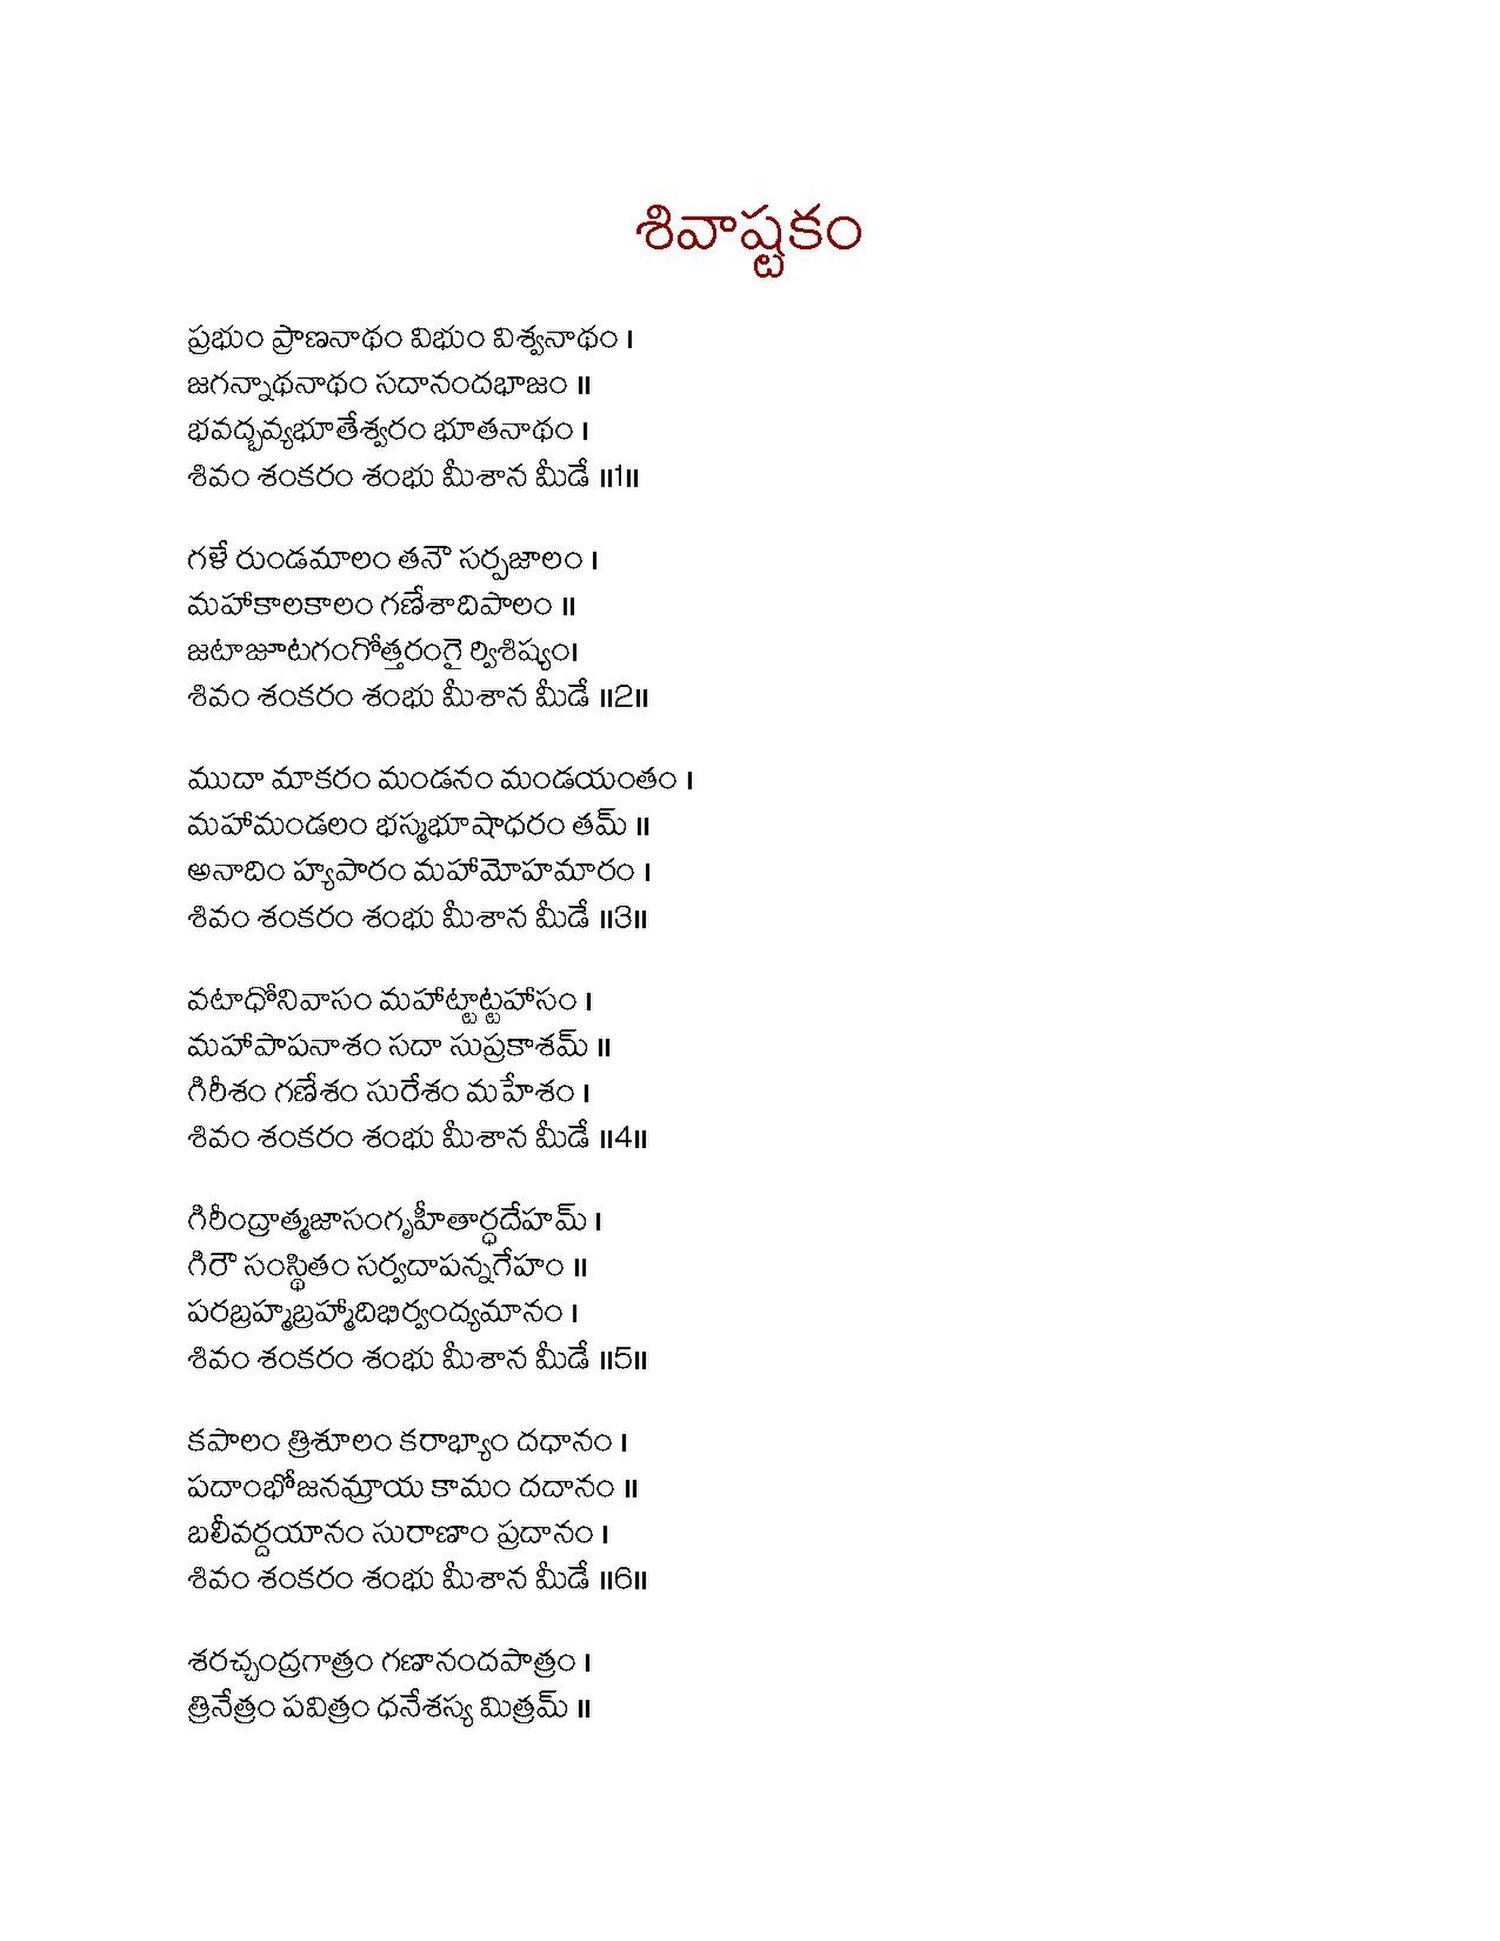శివాష్టకం

ప్రభుం ప్రాణనాథం విభుం విశ్వనాథం।
జగన్నాథనాథం సదానందభాజం ॥
భవద్భవ్యభూతేశ్వరం భూతనాథం ।
శివం శంకరం శంభు మీశాన మీడే ॥1॥

గళే రుండమాలం తనౌ సర్పజాలం ।
మహాకాలకాలం గణేశాదిపాలం ॥
జటాజూటగంగోత్తరంగై ర్విశిష్యం।
శివం శంకరం శంభు మీశాన మీడే ॥2॥

ముదా మాకరం మండనం మండయంతం॥
మహామండలం భస్మభూషాధరం తమ్ ॥
అనాదిం హ్యపారం మహామోహమారం ।
శివం శంకరం శంభు మీశాన మీడే ॥3॥

వటాధోనివాసం మహాట్టాట్టహాసం ।
మహాపాపనాశం సదా సుప్రకాశమ్ ॥
గిరీశం గణేశం సురేశం మహేశం।
శివం శంకరం శంభు మీశాన మీడే ॥4॥

గిరీంద్రాత్మజాసంగృహీతార్ధదేహమ్ ।
గిరౌ సంస్థితం సర్వదాపన్నగేహం ॥
పరబ్రహ్మబ్రహ్మాదిభిర్వంద్యమానం ।
శివం శంకరం శంభు మీశాన మీడే ॥5॥

కపాలం త్రిశూలం కరాభ్యాం దధానం ।
పదాంభోజనమ్రాయ కామం దదానం ॥
బలీవర్ధయానం సురాణాం ప్రదానం ।
శివం శంకరం శంభు మీశానమీడే ॥6॥

శరచ్చంద్రగాత్రం గణానందపాత్రం ।
త్రినేత్రం పవిత్రం ధనేశస్య మిత్రమ్ ॥